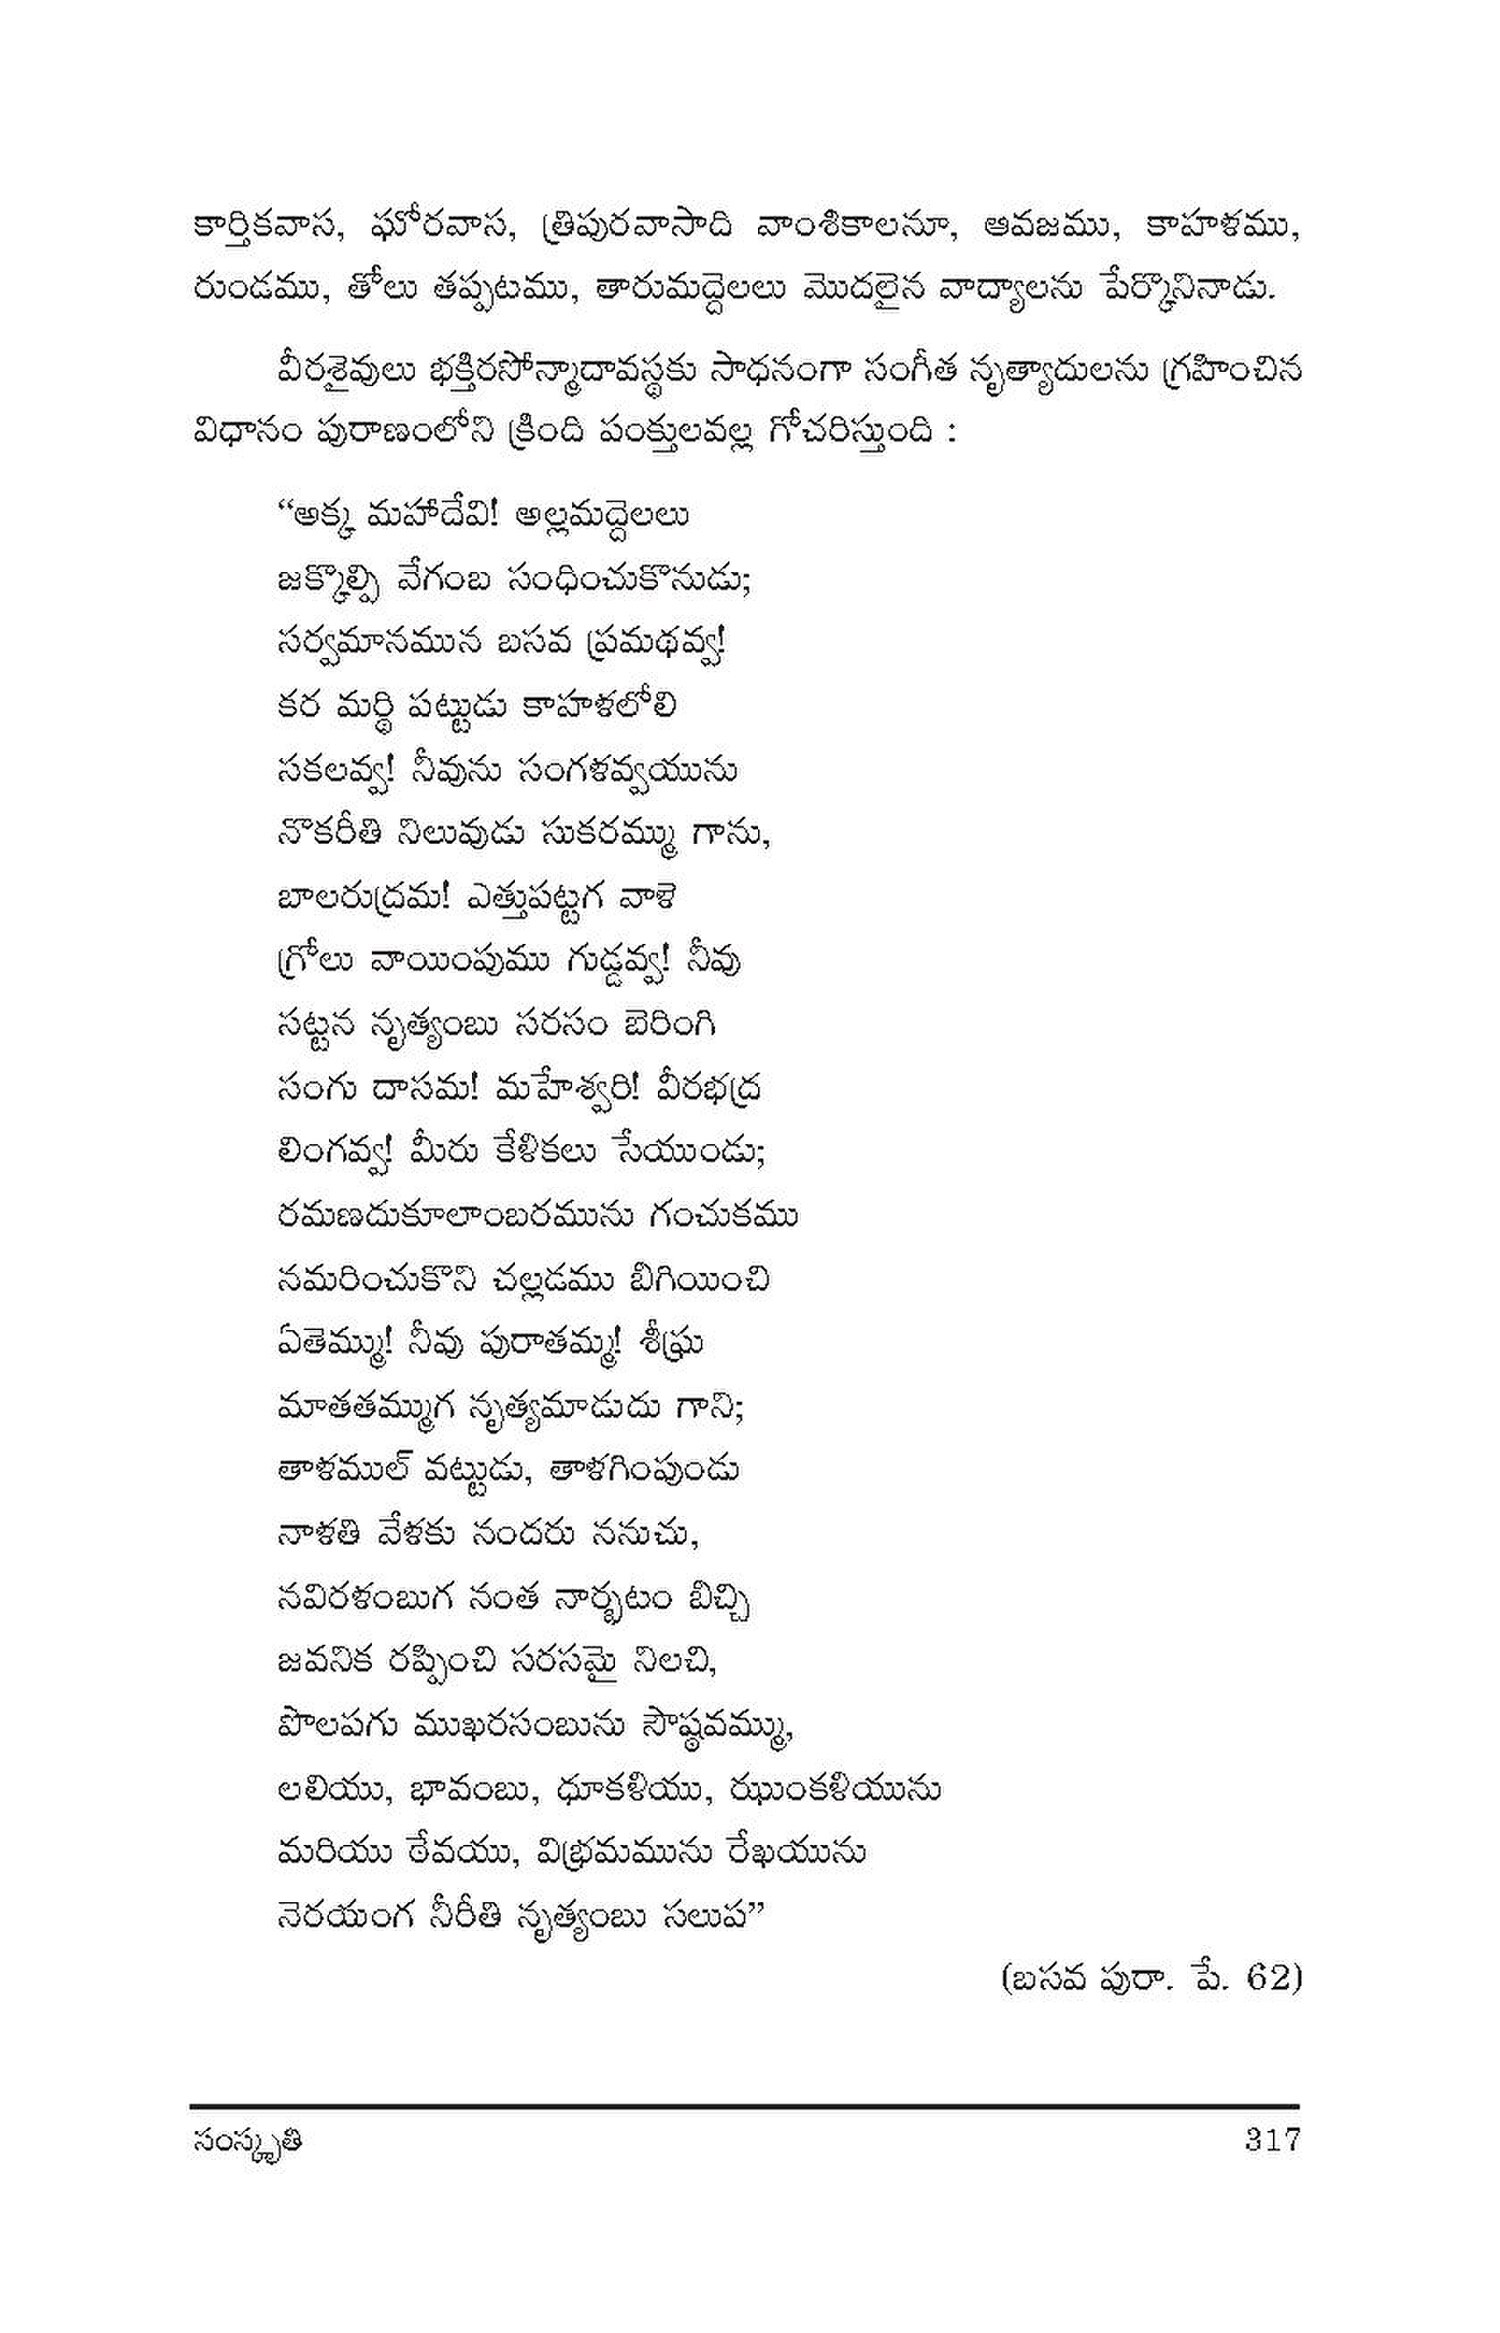కార్తికవాస, ఘోరవాస, త్రిపురవాసాది వాంశికాలనూ, ఆవజము, కాహళము,
రుండము, తోలు తప్పటము, తారుమద్దెలలు మొదలైన వాద్యాలను పేర్కొనినాడు.

వీరశైవులు భక్తిరసోన్మాదావస్థకు సాధనంగా సంగీత నృత్యాదులను గ్రహించిన
విధానం పురాణంలోని క్రింది పంక్తులవల్ల గోచరిస్తుంది :

"అక్క మహాదేవి! అల్లమద్దెలలు
జక్కొల్పి వేగంబ సంధించుకొనుడు;
సర్వమానమున బసవ ప్రమథవ్వ!
కర మర్థి పట్టుడు కాహళలోలి
సకలవ్వ! నీవును సంగళవ్వయును
నొకరీతి నిలువుడు సుకరమ్ము గాను,
బాలరుద్రమ! ఎత్తుపట్టగ వాళె
గ్రోలు వాయింపుము గుడ్డవ్వ! నీవు
సట్టన నృత్యంబు సరసం బెరింగి
సంగు దాసమ! మహేశ్వరి! వీరభద్ర
లింగవ్వ! మీరు కేళికలు సేయుండు;
రమణదుకూలాంబరమును గంచుకము
నమరించుకొని చల్లడము బిగియించి
ఏతెమ్ము! నీవు పురాతమ్మ! శీఘ్ర
మాతతమ్ముగ నృత్యమాడుదు గాని;
తాళముల్ వట్టుడు, తాళగింపుండు
నాళతి వేళకు నందరు ననుచు,
నవిరళంబుగ నంత నార్భటం బిచ్చి
జవనిక రప్పించి సరసమై నిలచి,
పొలపగు ముఖరసంబును సౌష్ఠవమ్ము,
లలియు, భావంబు, ధూకళియు, ఝుంకళియును
మరియు రేవయు, విభ్రమమును రేఖయును
నెరయంగ నీరీతి నృత్యంబు సలుప”
(బసవ పురా. పే. 62)